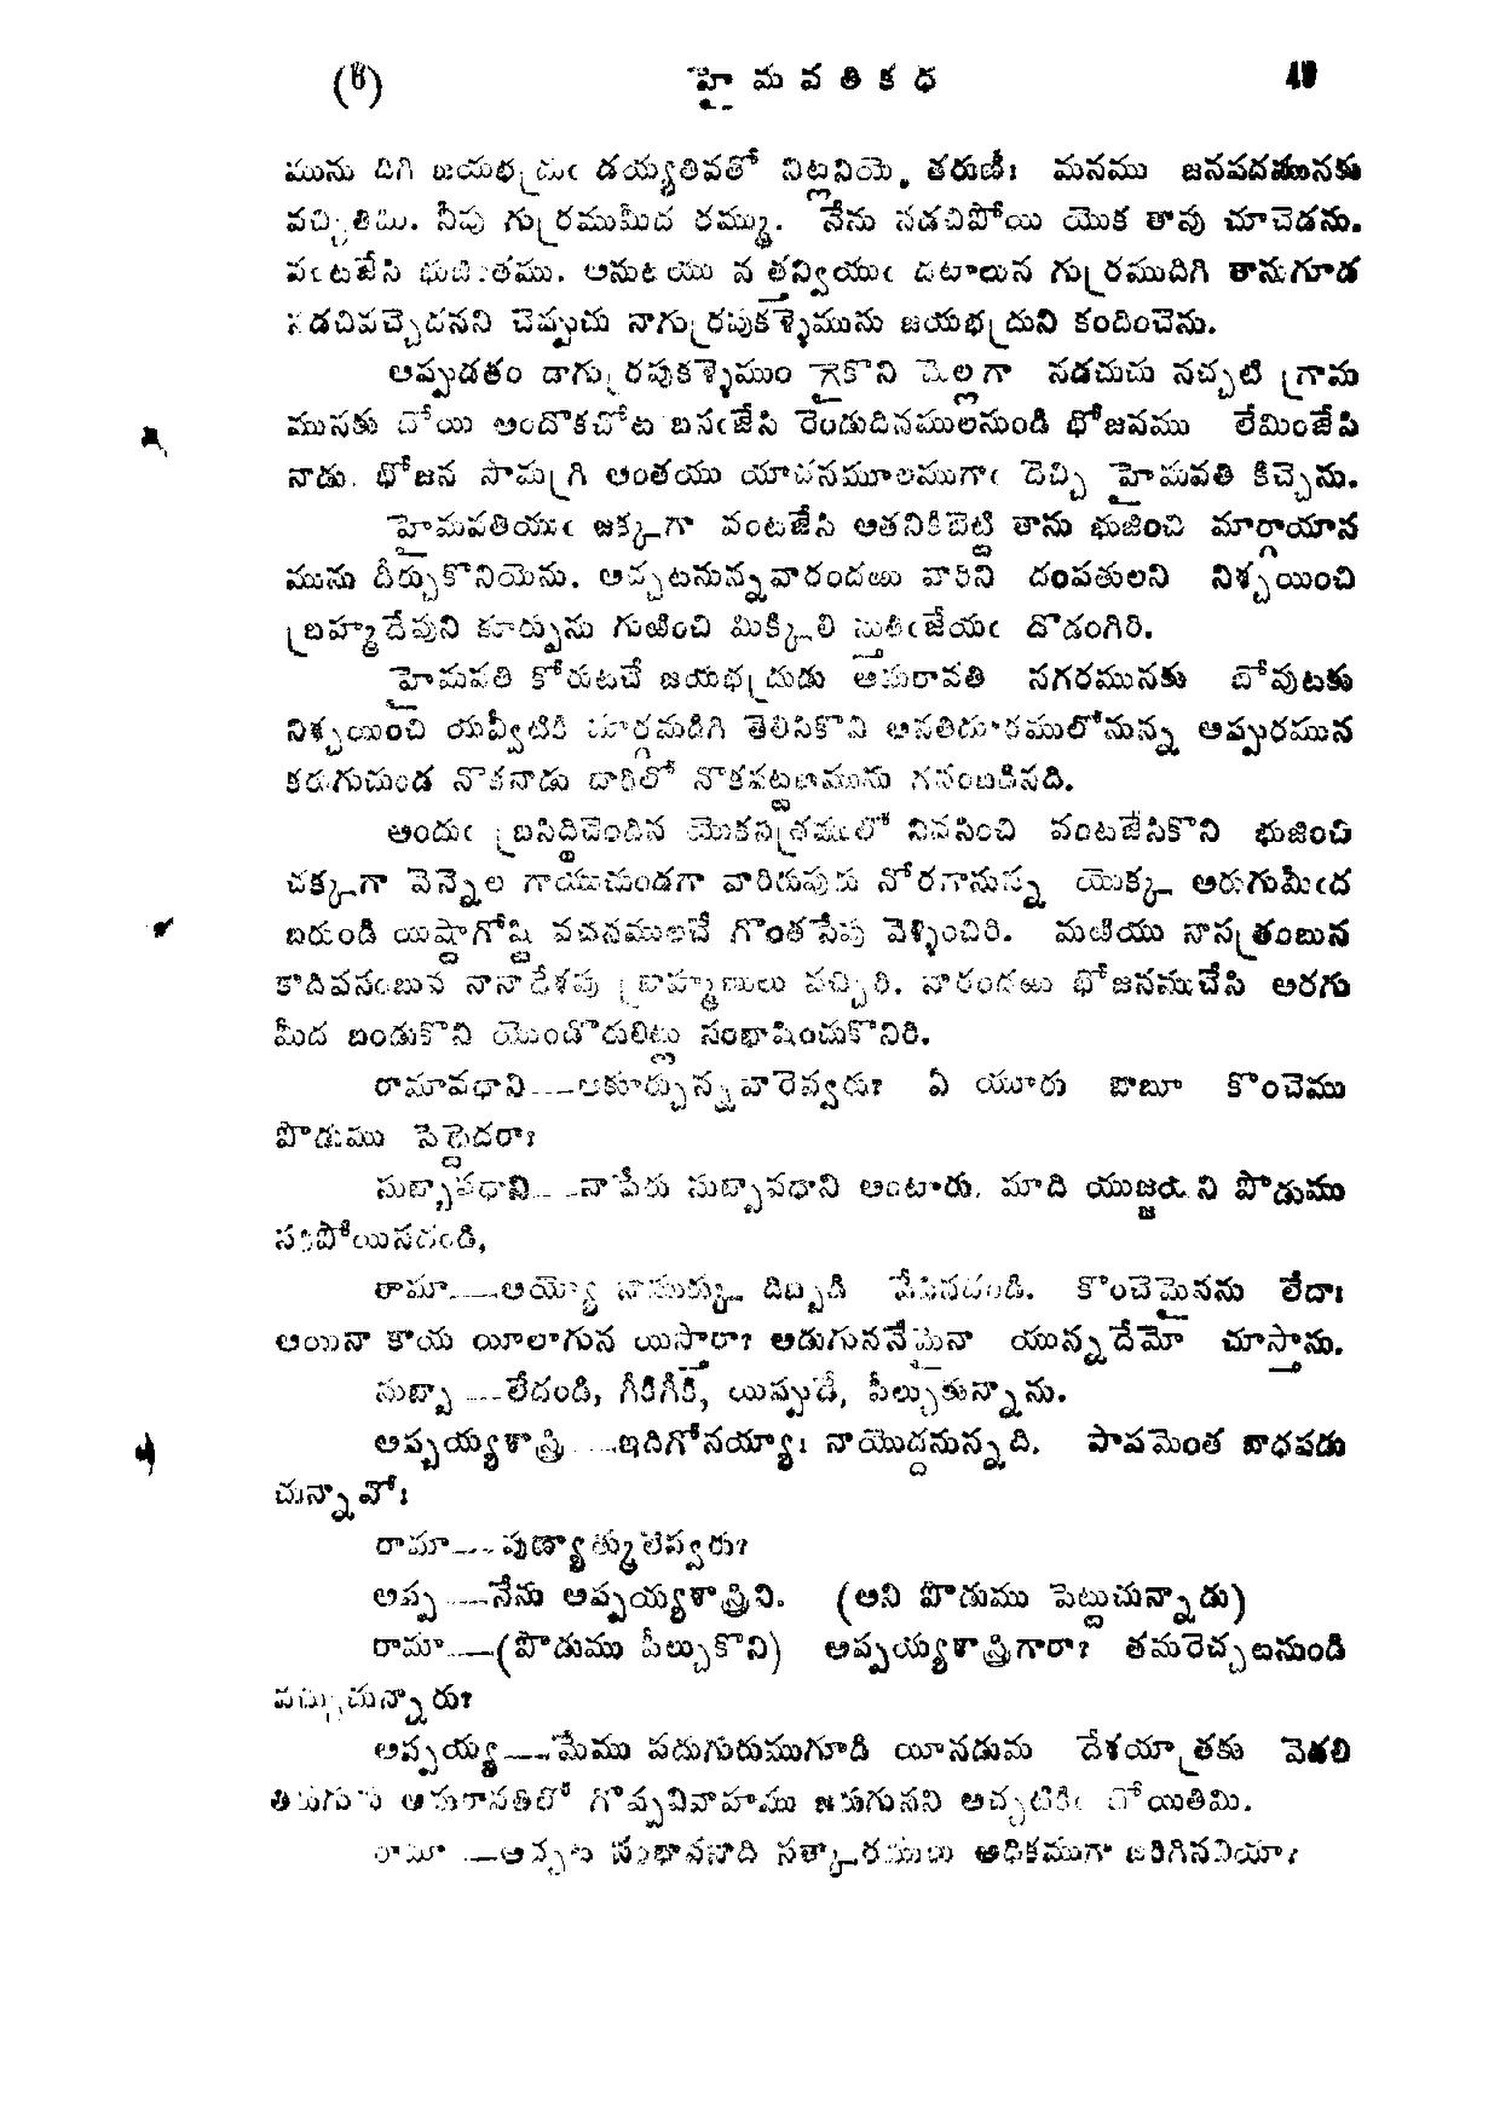మును దిగి జయభద్రుఁ డయ్యతివతో నిట్లనియె. తరుణీ! మనము జనపదమునకు వచ్చితిమి. నీవు గుర్రముమీద రమ్ము. నేను నడచిపోయి యొక తావు చూచెదను. వంటజేసి భుజింతము. అనుటయు నత్తన్వియుఁ దటాలున గుర్రముదిగి తానుగూడ నడచివచ్చెదనని చెప్పుచు నాగుర్రపుకళ్ళెమును జయభద్రుని కందించెను.

అప్పుడతం డాగుర్రపుకళ్ళెముం గైకొని మెల్లగా నడచుచు నచ్చటి గ్రామమునకు బోయి అందొకచోట బసఁజేసి రెండుదినములనుండి భోజనము లేమింజేసి నాడు భోజనసామగ్రి అంతయు యాచనమూలముగాఁ దెచ్చి హైమవతి కిచ్చెను.

హైమవతియుఁ జక్కగా వంటజేసి అతనికి బెట్టి తాను భుజించి మార్గాయాసమును దీర్చుకొనియెను. అచ్చటనున్న వారందఱు వారిని దంపతులని నిశ్చయించి బ్రహ్మదేవుని కూర్పును గుఱించి మిక్కిలి స్తుతిఁజేయఁ దొడంగిరి.

హైమవతి కోరుటచే జయభద్రుడు అమరావతి నగరమునకు బోవుటకు నిశ్చయించి యవ్వీటికి మార్గమడిగి తెలిసికొని అనతిదూరములోనున్న అప్పురమున కరుగుచుండ నొకనాడు దారిలో నొకపట్టణమును గనంబడినది.

అందుఁ బ్రసిద్ధిచెందిన యొకసత్రములో నివసించి వంటజేసికొని భుజించి చక్కగా వెన్నెల గాయుచుండగా వారిరువురు నోరగానున్న యొక్క అరుగుమీఁద బరుండి యిష్టాగోష్టి వచనములచే గొంతసేపు వెళ్ళించిరి. మఱియు నాసత్రంబున కాదివసంబున నానాదేశపు బ్రాహ్మణులు వచ్చిరి. వారందఱు భోజనముచేసి అరగు మీద బండుకొని యొండొరులిట్లు సంభాషించుకొనిరి.

రామావధాని --- ఆకూర్చున్నవారెవ్వరు? ఏ యూరు బాబూ కొంచెము పొడుము పెట్టెదరా?

సుబ్బావధాని - నా పేరు సుబ్బావధాని అంటారు. మాది యుజ్జయని పొడుము సరిపోయినదండి.

రామా - అయ్యో నాముక్కు దిబ్బడి వేసినదండి. కొంచెమైనను లేదా? అయినా కాయ యీలాగున యిస్తారా? అడుగుననేమైనా యున్నదేమో చూస్తాను.

సుబ్బా - లేదండి, గీకిగీకి, యిప్పుడే, పీల్చుకున్నాను.

అప్పయ్యశాస్త్రి - ఇదిగోనయ్యా! నాయొద్దనున్నది. పాపమెంత బాధపడు చున్నావో!

రామా - పుణ్యాత్ములెవ్వరు?

అప్ప - నేను అప్పయ్యశాస్త్రిని. (అని పొడుము పెట్టుచున్నాడు)

రామా - ( పొడుము పీల్చుకొని) అప్పయ్యశాస్త్రిగారా! తమరెచ్చటనుండి వచ్చుచున్నారు?

అప్పయ్య - మేము పదుగురుము గూడి యీనడుమ దేశయాత్రకు వెడలి తిరుగుచు అమరావతిలో
గొప్పవివాహము జరుగునని అచ్చటికిఁ బోయితిమి.

రామా - అచ్చట సంభావనాది సత్కారములు అధికముగా జరిగినవియా?